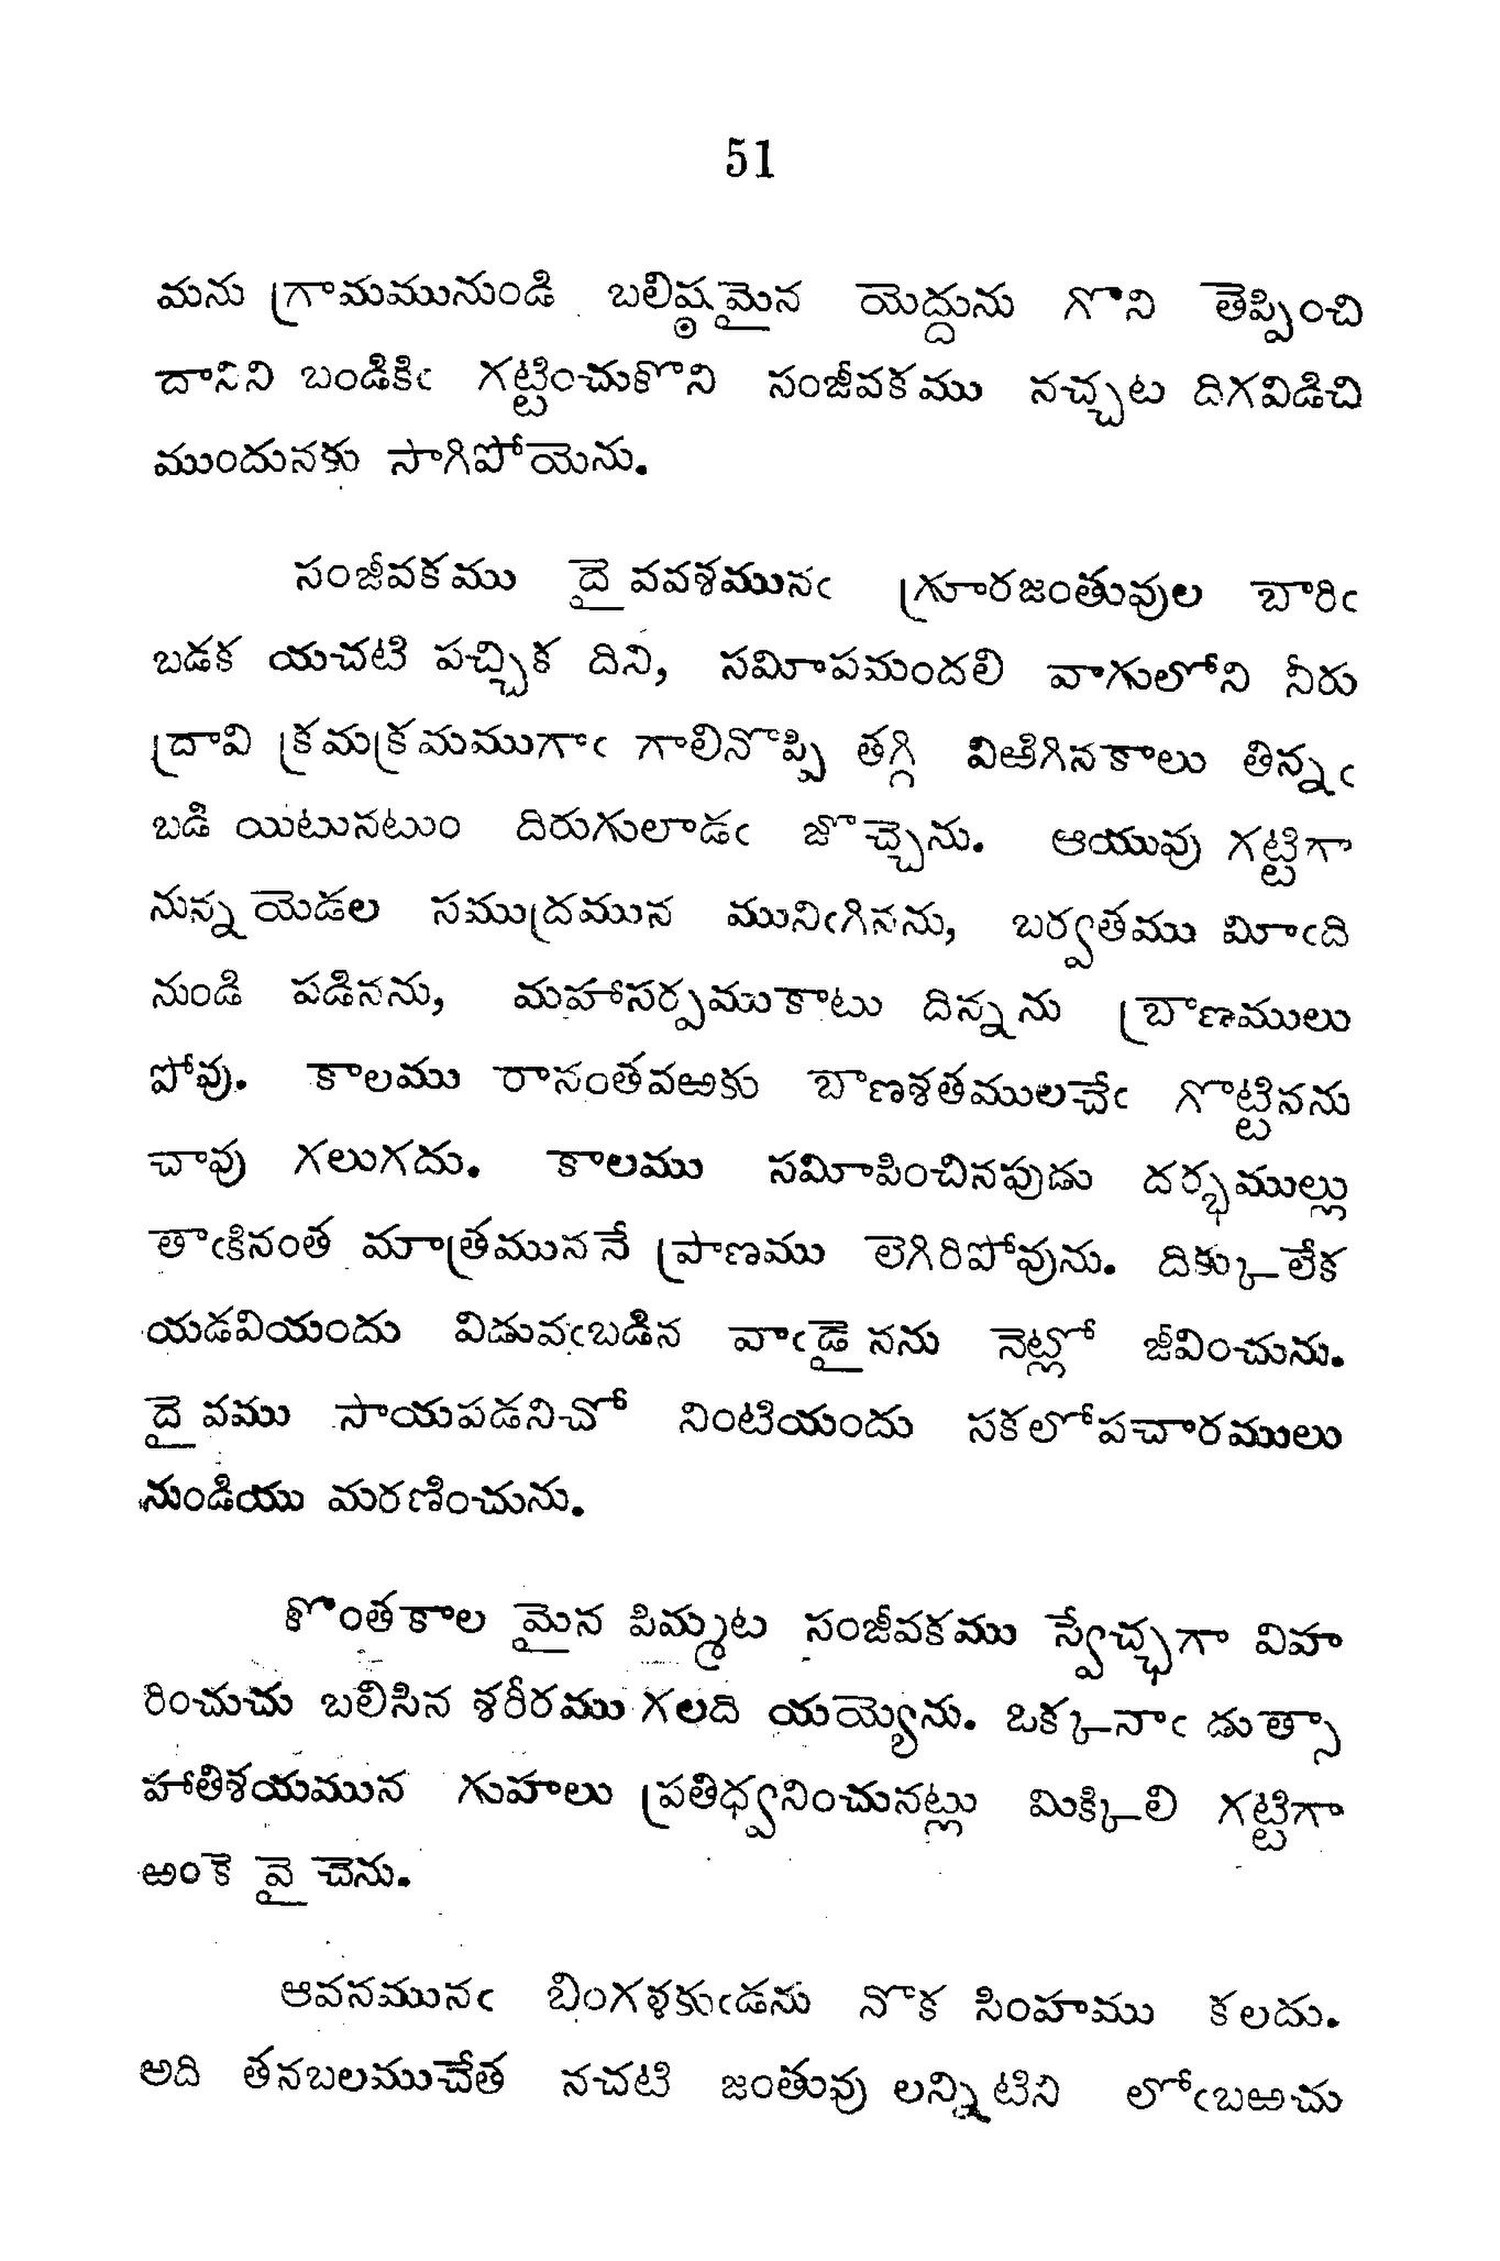మను గ్రామమునుండి బలిష్ఠమైన యెద్దును గొని తెప్పించి దానిని బండికి గట్టించుకొని సంజీవకము నచ్చట దిగవిడచి ముందునకు సాగిపోయెను.

సంజీవకము దైవవశమున గ్రూరజంతువుల బారిబడక యచటి పచ్చిక దిని, సమీపమందలి వాగులోని నీరుద్రావి క్రమక్రమముగా గాలినొప్పి తగ్గి విఱిగినకాలు తిన్నబడి యిటునటుం దిరుగులాడ జొచ్చెను. ఆయువు గట్టిగా నున్నయెడల సముద్రమున మునిగినను, బర్వతము మీది నుండి పడినను, మహాసర్పముకాటు దిన్నను బ్రాణములు పోవు. కాలము రానంతవఱకు బాణశతములచే గొట్టినను చావు గలుగదు. కాలము సమీపించినపుడు దర్భముల్లు తాకినంత మాత్రముననే ప్రాణము లెగిరిపోవును. దిక్కులేక యడవియందు విడువబడిన వాడైనను నెట్లో జీవించును. దైవము సాయపడనిచో నింటియందు సకలోపచారములు నుండియు మరణించును. 

కొంతకాల మైన పిమ్మట సంజీవకము స్వేచ్ఛగా విహరించుచు బలిసిన శరీరము గలది యయ్యెను. ఒక్కనా డుత్సాహాతిశయమున గుహలు ప్రతిధ్వనించునట్లు మిక్కిలి గట్టిగా ఱంకె వైచెను.

ఆవనమున బింగళకుడను నొక సింహము కలదు. అది తనబలముచేత నచటి జంతువు లన్నిటిని లోబఱచు